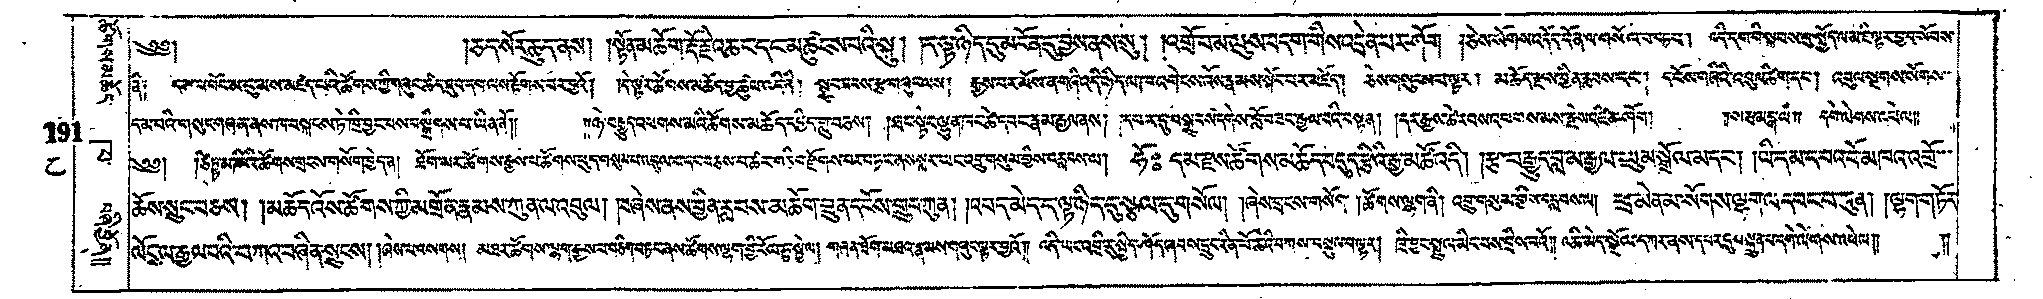༄༅། །ཅད་སོར་ཆུད་ནས། །སྟོན་མཆོག་རྡོ་རྗེ་འཆང་དང་མཚུངས་པའི་སྐུ། །ད་ལྟ་ཉིད་དུ་མངོན་དུ་བྱས་ནས་སུ། །འགྲོ་བ་མ་ལུས་བདག་གིས་འདྲེན་པར་ཤོག །ཅེས་སོགས་འདོད་དོན་ལ་གསོལ་བ་བཏབ། འདི་དག་གི་སྐབས་སུ་སྤྱོད་ལམ་ཇི་ལྟར་བྱ་བ་སོགས་
ནི༑ དམ་པ་གོང་མ་དུ་མས་མཛད་པའི་ཚོགས་ཀྱི་གཞུང་ཚད་ཐུབ་དག་ལས་རྟོགས་པར་བྱའོ། །དེ་ལྟར་ཚོགས་མཆོད་བྱ་ཚུལ་འདི་ནི། སྒྲུབ་ཐབས་རྩ་གཞུང་ལས། རྒྱས་པར་མོས་ན་གཞི་འདི་ཉིད་ལ་ཁ་འགེངས་འོས་རྣམས་སྐོང་པར་མཛོད། ཅེས་གསུངས་པ་ལྟར། མཆོད་རྫས་བྱིན་རླབས་དང་། དངོས་གཞིའི་འབུལ་ཚིག་དང་། འབུལ་སྔགས་སོགས་་་
དམ་པའི་གསུང་གཞན་ནས་ཁ་བསྐངས་ཏེ་ཁྲི་བྱང་པས་བསྒྲིགས་པ་ཡིན་ནོ།། །།ཉེ་བརྒྱུད་འཕགས་མའི་ཚོགས་མཆོད་དཔྱིད་གླུ་བཅས། །ཐང་སྟེང་ལྷུན་ཁང་ཚེ་དབང་རྣམ་རྒྱལ་ནས། །དཔར་དུ་བསྒྲུབས་དགེས་བློ་བཟང་རྒྱལ་བའི་བསྟན། །དར་རྒྱས་ཚེ་རབས་འཕགས་མས་རྗེས་འཛིན་ཤོག། །།སརྦ་མངྒ་ལཾ།། དགེ་ལེགས་འཕེལ།།
༄༅། །ཙིཏྟ་མ་ཎིའི་ཚོགས་གྲངས་གསོག་བྱེད་ན། ཐོག་མར་ཚོགས་རྒྱས་པ་ཚོགས་ཕུད་གསུམ་པ་འབུལ་བ་དང་བཅས་པ་ཚར་གཅིག་རྫོགས་པར་བཏང་ནས་སླར་ཡང་འབྲུ་གསུམ་གྱིས་བརླབས་ལ། ཧོཿ དམ་རྫས་ཚོགས་མཆོད་བདུད་རྩིའི་རྒྱ་མཚོ་འདི། །རྩ་བརྒྱུད་བླ་མ་རྒྱལ་ཡུམ་སྒྲོལ་མ་དང་། །ཡི་དམ་དཔའ་བོ་མཁའ་འགྲོ་་་
ཆོས་སྲུང་བཅས། །མཆོད་འོས་ཚོགས་ཀྱི་མགྲོན་རྣམས་ཀུན་ལ་འབུལ། །བཞེས་ནས་བྱིན་རླབས་མཆོག་ཐུན་དངོས་གྲུབ་ཀུན། །འབད་མེད་ད་ལྟ་ཉིད་དུ་སྩལ་དུ་གསོལ། །ཞེས་གྲངས་གསོག །ཚོགས་ལྷག་ནི། འབྲུ་གསུམ་གྱིས་བརླབས་ལ།  ཕྲ་མེན་མ་སོགས་ལྷག་ལ་དབང་བ་ཀུན། །ལྷག་གཏོར་
ལོངས་ལ་རྒྱལ་བའི་བཀའ་བཞིན་སྲུངས། །ཞེས་པ་བསགས། མཐར་ཚོགས་ལྷག་རྒྱས་པ་གཅིག་བཏང་ནས་ཚོགས་ལྷག་ཕྱི་རོལ་ཏུ་སྐྱེལ། གཞན་ཐོག་མཐའ་རྣམས་གཞུང་ལྟར་བྱའོ།། འདི་ཡང་འབྲི་རུ་སྐྱིད་ཤོད་ཞབས་དྲུང་རིན་པོ་ཆེའི་བཀས་བསྐུལ་བ་ལྟར། ཁྲི་བྱང་སྤྲུལ་མིང་པས་བྲིས་པའོ།། འཆི་མེད་སྒྲོལ་དཀར་ནས་དཔར་དུ་བསྐྲུན་པ་དགེ་ལེགས་འཕེལ།། །།